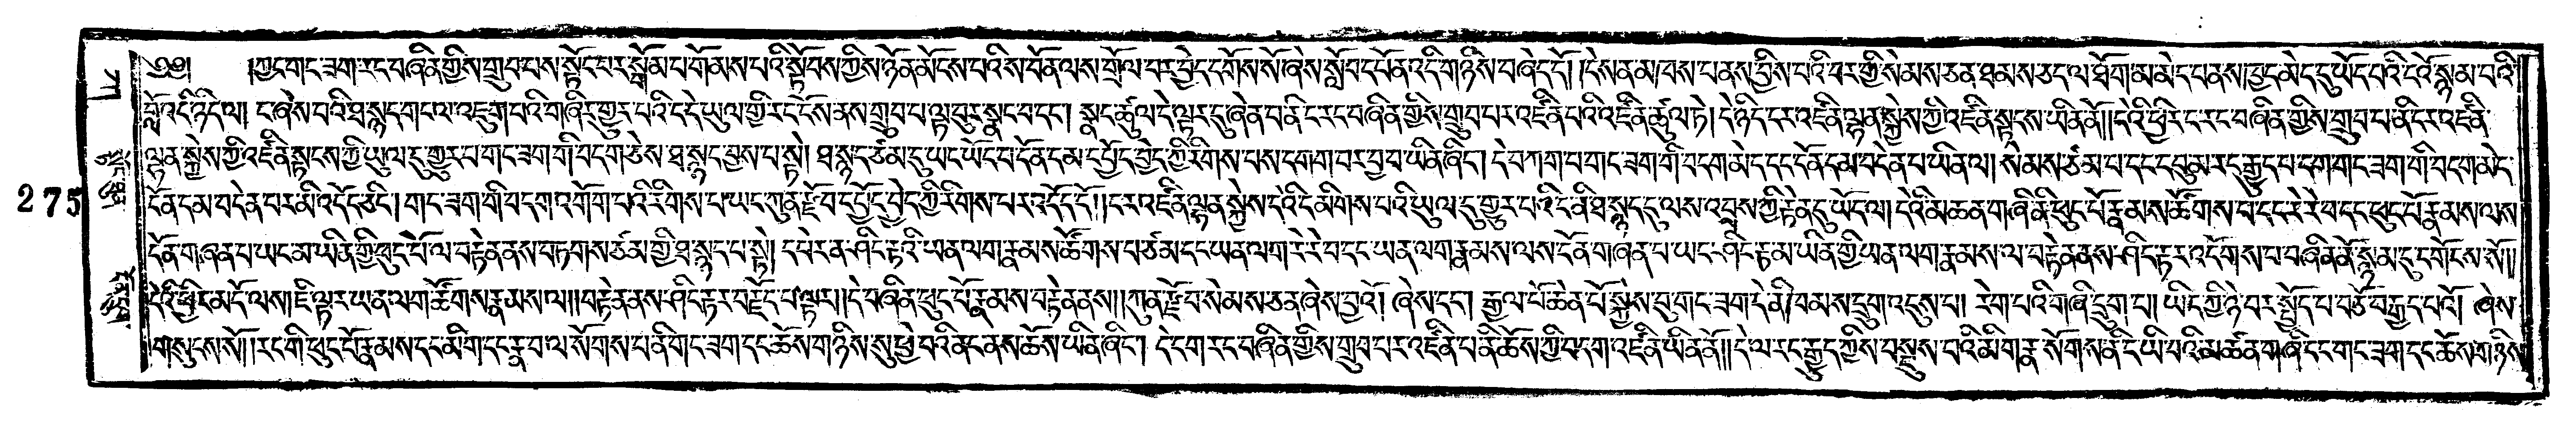༄༅། །ཀྱང་གང་ཟག་རང་བཞིན་གྱིས་གྲུབ་པས་སྟོང་པར་སྒོམ་པ་གོམས་པའི་སྟོབས་ཀྱིས་ཉོན་མོངས་པའི་ས་བོན་ལས་གྲོལ་བར་བྱེད་དགོས་སོ་ཞེས་སློབ་དཔོན་འདི་གཉིས་བཞེད་དོ། །དེས་ན་མཁས་པ་ནས་བྱིས་པའི་བར་གྱི་སེམས་ཅན་ཐམས་ཅད་ལ་ཐོག་མ་མེད་པ་ནས་ཁྱད་མེད་དུ་ཡོད་པའི་ངའོ་སྙམ་པའི་
བློ་འདི་ཉིད་ལ། ང་ཞེས་པའི་ཐ་སྙད་གང་ལ་འཇུག་པའི་གཞིར་གྱུར་པའི་ད་དེ་?་ཡུལ་གྱི་རང་ངོས་ནས་གྲུབ་པ་ལྟ་བུར་སྣང་བ་དང་། སྣང་ཚུལ་དེ་ལྟར་དུ་ཞེན་བ་ནི་ང་རང་བཞིན་གྱིས་གྲུབ་པར་འཛིན་པའི་འཛིན་ཚུལ་ཏེ། དེ་ཉིད་ངར་འཛིན་ལྷན་སྐྱེས་ཀྱི་འཛིན་སྟངས་ཡིན་ནོ། །དེའི་ཕྱིར་ང་རང་བཞིན་གྱིས་གྲུབ་པ་ནི་ངར་འཛིན་
ལྷན་སྐྱེས་ཀྱི་འཛིན་སྟངས་ཀྱི་ཡུལ་དུ་གྱུར་བ་གང་ཟག་གི་བདག་ཅེས་ཐ་སྙད་བྱས་པ་སྟེ། ཐ་སྙད་ཙམ་དུ་ཡང་ཡོད་པ་དོན་དམ་དཔྱོད་བྱེད་ཀྱི་རིགས་པས་དགག་པར་བྱ་བ་ཡིན་ཞིང་། དེ་བཀག་པ་གང་ཟག་གི་བདག་མེད་དང་དོན་དམ་བདེན་པ་ཡིན་ལ། སེམས་ཙམ་པ་དང་དབུ་མ་རང་རྒྱུད་པ་དག་གང་ཟག་གི་བདག་མེད་
དོན་དམ་བདེན་བར་མི་འདོད་ཅིང་། གང་ཟག་གི་བདག་འགོག་པའི་རིགས་པ་ཡང་ཀུན་རྫོབ་དཔྱོད་བྱེད་ཀྱི་རིགས་པར་འདོད་དོ། །དར་འཛིན་ལྷན་སྐྱེས་དེའི་དམིགས་པའི་ཡུལ་དུ་གྱུར་པའི་ང་ནི་ཐ་སྙད་དུ་ལས་འབྲས་ཀྱི་རྟེན་དུ་ཡོད་ལ། དེའི་མཚན་གཞི་ནི་ཕུང་པོ་རྣམས་ཚོགས་པ་དང་རེ་རེ་བ་དང་ཕུང་པོ་རྣམས་ལས་
དོན་གཞན་པ་ཡང་མ་ཡིན་གྱི་ཕུང་པོ་ལ་བརྟེན་ནས་བཏགས་ཙམ་གྱི་ཐ་སྙད་པ་སྟེ། དཔེར་ན་ཤིང་རྟའི་ཡན་ལག་རྣམས་ཚོགས་པ་ཙམ་དང་ཡན་ལག་རེ་རེ་བ་དང་ཡན་ལག་རྣམས་ལས་དོན་གཞན་པ་ཡང་ཤིང་རྟ་མ་ཡིན་གྱི་ཡན་ལག་རྣམས་ལ་བརྟེན་ནས་ཤིང་རྟར་འདོགས་པ་བཞིན་ནོ་སྙམ་དུ་དགོངས་སོ།།
དེའི་ཕྱིར་མདོ་ལས། ཇི་ལྟར་ཡན་ལག་ཚོགས་རྣམས་ལ། །བརྟེན་ནས་ཤིང་རྟར་བརྗོད་པ་ལྟར། །དེ་བཞིན་ཕུང་པོ་རྣམས་བརྟེན་ནས། །ཀུན་རྫོབ་སེམས་ཅན་ཞེས་བྱའོ། ཞེས་དང་། རྒྱལ་པོ་ཆེན་པོ་སྐྱེས་བུ་གང་ཟག་དེ་ནི་ཁམས་དྲུག་འདུས་པ། རེག་པའི་གཞི་དྲུག་པ། ཡིད་ཀྱི་ཉེ་བར་སྤྱོད་པ་བཅོ་བརྒྱད་པའོ། ཞེས་
གསུངས་སོ། །རང་གི་ཕུང་པོ་རྣམས་དང་མིག་དང་རྣ་བ་ལ་སོགས་པ་ནི་གང་ཟག་དང་ཆོས་གཉིས་སུ་ཕྱེ་བའི་ནང་ནས་ཆོས་ཡིན་ཞིང་། དེ་དག་རང་བཞིན་གྱིས་གྲུབ་པར་འཛིན་པ་ནི་ཆོས་ཀྱི་བདག་འཛིན་ཡིན་ནོ། །དེ་ལ་རང་རྒྱུད་ཀྱིས་བསྡུས་པའི་མིག་རྣ་སོགས་ནི་ང་ཡི་བའི་མཚན་གཞི་དང་གང་ཟག་དང་ཆོས་གཉིས་